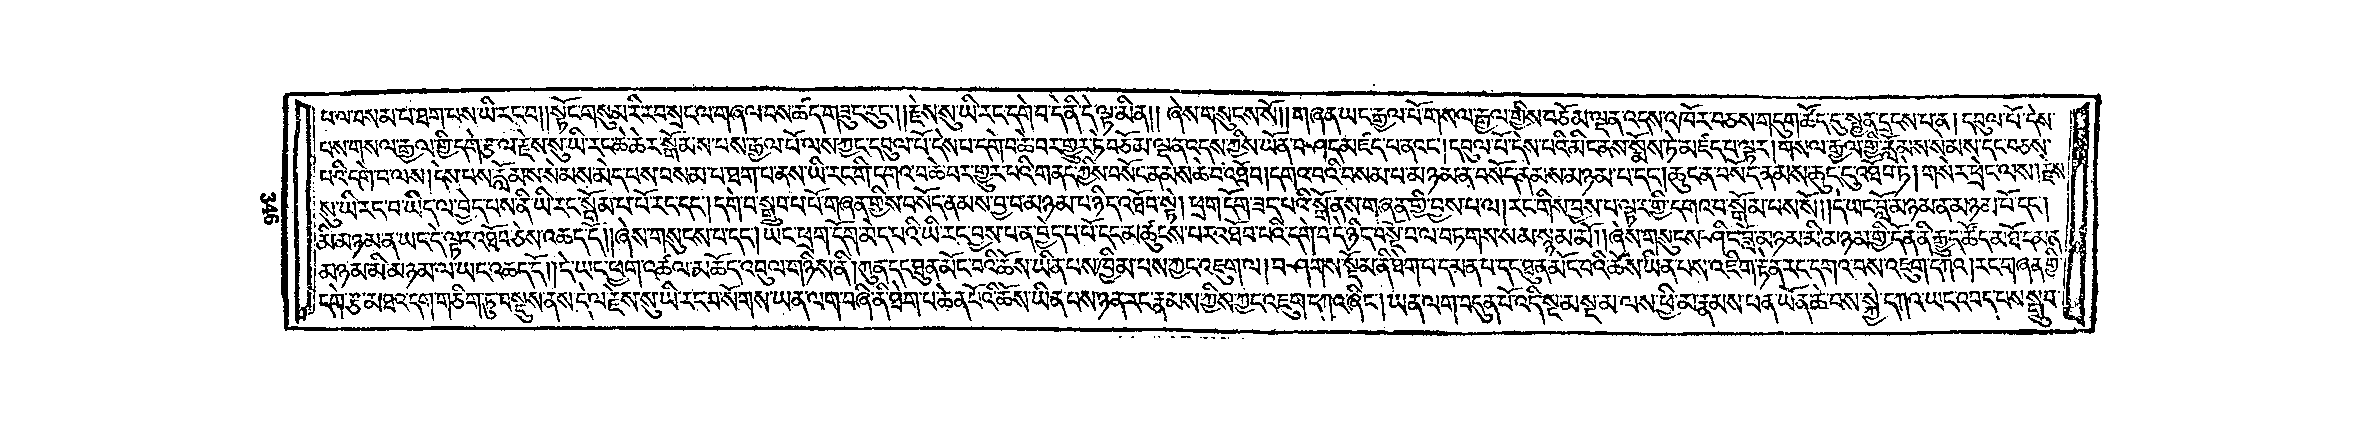པ་ལ་བསམ་པ་ཐག་པས་ཡི་རང་བ། །སྟོང་གསུམ་རི་རབ་སྲང་ལ་གཞལ་བས་ཚད་གཟུང་རུང་། །རྗེས་སུ་ཡི་རང་དགེ་བ་དེ་ནི་དེ་ལྟ་མིན། །ཞེས་གསུངས་སོ། །གཞན་ཡང་རྒྱལ་པོ་གསལ་རྒྱལ་གྱིས་བཅོམ་ལྡན་འདས་འཁོར་བཅས་གདུག་ཚོད་དུ་སྤྱན་དྲངས་པ་ན། དབུལ་པོ་དེས་
པས་གསལ་རྒྱལ་གྱི་དགེ་རྩ་ལ་རྗེས་སུ་ཡི་རང་ཆེ་ཆེར་སྒོམས་པས་རྒྱལ་པོ་ལས་ཀྱང་དབུལ་པོ་དེས་པ་དགེ་བ་ཆེ་བར་གྱུར་ཏེ་བཅོམ་ལྡན་འདས་ཀྱིས་ཡོན་བཤད་མཛད་པ་ནའང་། དབུལ་པོ་དེས་པའི་མིང་ནས་སྨོས་ཏེ་མཛད་པ་ལྟར། གསལ་རྒྱལ་གྱི་རློམས་སེམས་དང་བཅས་
པའི་དགེ་བ་ལས། དེས་པས་རློམས་སེམས་མེད་པས་བསམ་པ་ཐག་པ་ནས་ཡི་རང་གི་དགའ་བ་ཆེ་བར་གྱུར་པའི་གནད་ཀྱིས་བསོད་ནམས་ཆེ་བ་འཐོབ། དགའ་བའི་བསམ་པ་མཉམ་ན་བསོད་ནམས་མཉམ་པ་དང་། ཆུང་ན་བསོད་ནམས་ཆུང་ངུ་འཐོབ་ཏེ། གསེར་ཕྲེང་ལས། རྗེས་
སུ་ཡི་རང་བ་ཡིད་ལ་བྱེད་པས་ནི་ཡི་རང་སྒོམ་པ་པོ་རང་དང་། དགེ་བ་སྒྲུབ་པ་པོ་གཞན་གྱིས་བསོད་ནམས་བྱ་བ་མཉམ་པ་ཉིད་འཐོབ་སྟེ། ཕྲག་དོག་ཟད་པའི་སྒོ་ནས་གཞན་གྱི་བྱས་པ་ལ། རང་གིས་བྱས་པ་ལྟར་གྱི་དགའ་བ་སྒོམ་པས་སོ། །དེ་ཡང་བློ་མཉམ་ན་མཉམ་པོ་དང་།
མི་མཉམ་ན་ཡང་དེ་ལྟར་འཐོབ་ཅེས་འཆད་དོ། །ཞེས་གསུངས་པ་དང་། ཡང་ཕྲག་དོག་མེད་པའི་ཡི་རང་བྱས་པ་ན་བྱེད་པ་པོ་དང་མཚུངས་པར་འཐོབ་པའི་དགེ་བ་དེ་ཉིད་བསྔོ་བ་ལ་བཏགས་སམ་སྙམ་མོ། །ཞེས་གསུངས་ཤིང་བློ་མཉམ་མི་མཉམ་གྱི་དོན་ནི་རྒྱུད་ཚོད་མཐོ་དམན་
མཉམ་མི་མཉམ་ལ་ཡང་འཆད་དོ། །དེ་ཡང་ཕྱག་འཚལ་མཆོད་འབུལ་གཉིས་ནི། ཀུན་དང་ཐུན་མོང་བའི་ཆོས་ཡིན་པས་ཁྱིམ་པས་ཀྱང་འཇུག་ལ། བཤགས་སྡོམ་ནི་ཐེག་པ་དམན་པ་དང་ཐུན་མོང་བའི་ཆོས་ཡིན་པས་འཇིག་རྟེན་རང་དགའ་བས་འཇུག་དཀའ། རང་གཞན་གྱི་
དགེ་རྩ་མཐའ་དག་གཅིག་ཏུ་བསྡུས་ནས་དེ་ལ་རྗེས་སུ་ཡི་རང་བ་སོགས་ཡན་ལག་བཞི་ནི་ཐེག་པ་ཆེན་པོའི་ཆོས་ཡིན་པས་ཉན་རང་རྣམས་ཀྱིས་ཀྱང་འཇུག་དཀའ་ཞིང་། ཡན་ལག་བདུན་པོ་འདི་སྔ་མ་སྔ་མ་ལས་ཕྱི་མ་རྣམས་ཕན་ཡོན་ཆེ་བས་སྐྱེ་དཀའ་ཡང་འབད་པས་སྒྲུབ་